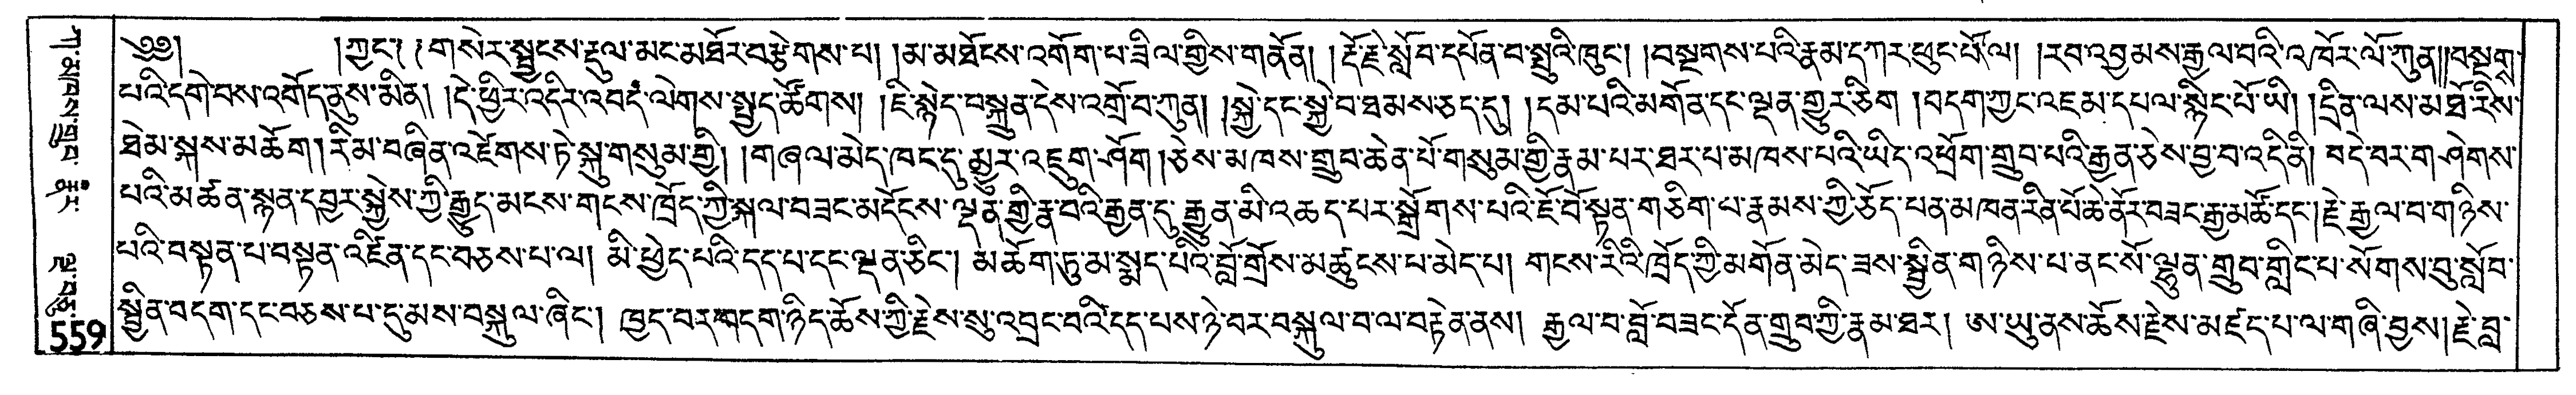༄༅། །ཀྱང༑ ༑གསེར་སྦྱངས་རྡུལ་མང་མཐོར་བརྩེགས་པ། །མ་མཐོངས་འགོག་པ་ཟིལ་གྱིས་གནོན། །རྡོ་རྗེ་སློབ་དཔོན་བ་སྤུའི་ཁུང་། །བསྔགས་པའི་རྣམ་དཀར་ཕུང་པོ་ལ། །རབ་འབྱམས་རྒྱལ་བའི་འཁོར་ལོ་ཀུན། །བསྔགས་
པའི་དགེ་བས་འགོད་ནུས་མིན། །དེ་ཕྱིར་འདིར་བདེ་ལེགས་སྤྱད་ཚོགས། །ཇི་སྙེད་བསྐྲུན་དེས་འགྲོ་བ་ཀུན། །སྐྱེ་དང་སྐྱེ་བ་ཐམས་ཅད་དུ། །དམ་པའི་མགོན་དང་ལྡན་གྱུར་ཅིག །བདག་ཀྱང་འཇམ་དཔལ་སྙིང་པོ་ཡི། །དྲིན་ལས་མཐོ་རིས་
ཐེམ་སྐས་མཆོག །རིམ་བཞིན་འཛེགས་ཏེ་སྐུ་གསུམ་གྱི། །གཞལ་མེད་ཁང་དུ་མྱུར་འཇུག་ཤོག །ཅེས་མཁས་གྲུབ་ཆེན་པོ་གསུམ་གྱི་རྣམ་པར་ཐར་པ་མཁས་པའི་ཡིད་འཕྲོག་གྲུབ་པའི་རྒྱན་ཅེས་བྱ་བ་འདི་ནི། བདེ་བར་གཤེགས་
པའི་མཚན་སྙན་དབྱར་སྐྱེས་ཀྱི་རྒྱུད་མངས་གངས་ཁྲོད་ཀྱི་སྐལ་བཟང་མདོངས་ལྡན་གྱི་རྣ་བའི་རྒྱན་དུ་རྒྱུན་མི་འཆད་པར་སྒྲོགས་པའི་ཇོ་བོ་སྟན་གཅིག་པ་རྣམས་ཀྱི་ཅོད་པན་མཁན་རིན་པོ་ཆེ་ནོར་བཟང་རྒྱ་མཚོ་དང་། རྗེ་རྒྱལ་བ་གཉིས་
པའི་བསྟན་པ་བསྟན་འཛིན་དང་བཅས་པ་ལ། མི་ཕྱེད་པའི་དད་པ་དང་ལྡན་ཅིང་།མཆོག་ཏུ་མ་སྨད་པའི་བློ་གྲོས་མཚུངས་པ་མེད་པ། གངས་རིའི་ཁྲོད་ཀྱི་མགོན་མེད་ཟས་སྦྱིན་གཉིས་པ་ནང་སོ་ལྷུན་གྲུབ་གླིང་པ་སོགས་བུ་སློབ་
སྦྱིན་བདག་དང་བཅས་པ་དུ་མས་བསྐུལ་ཞིང་། ཁྱད་པར་བདག་ཉིད་ཆོས་ཀྱི་རྗེས་སུ་འབྲང་བའི་དད་པས་ཉེ་བར་བསྐུལ་བ་ལ་བརྟེན་ནས། རྒྱལ་བ་བློ་བཟང་དོན་གྲུབ་ཀྱི་རྣམ་ཐར། ཨ་ཡུ་ནས་ཆོས་རྗེས་མཛད་པ་ལ་གཞི་བྱས། རྗེ་བླ་